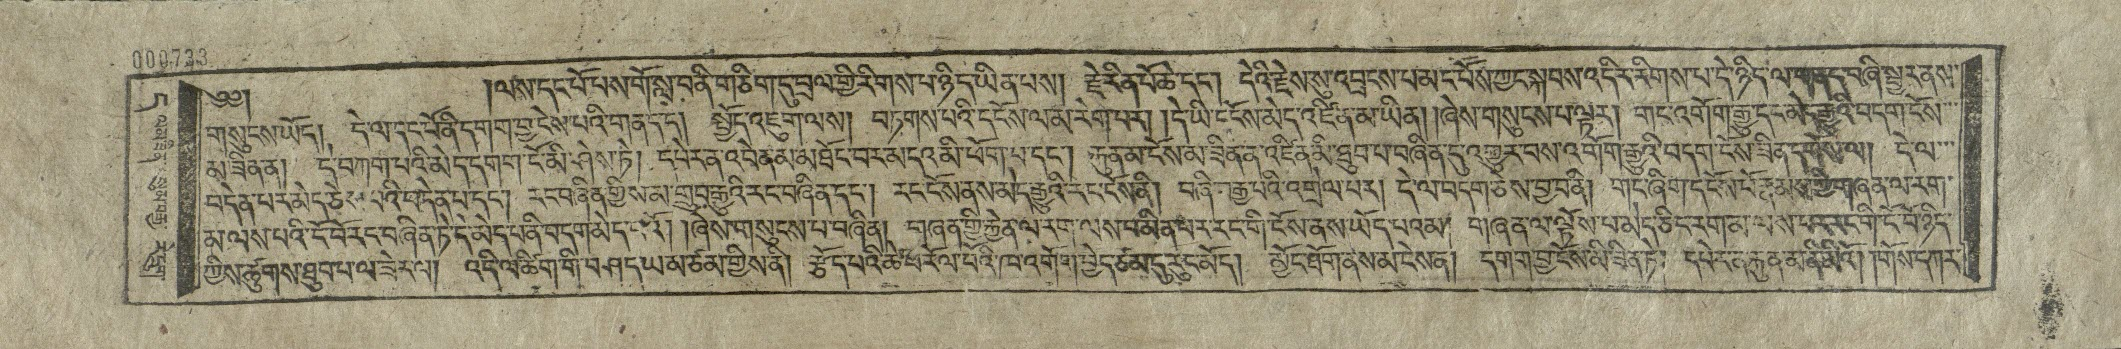༄༅། །ལས་དང་པོ་པས་གོ་སླ་བ་ནི་གཅིག་དུ་བྲལ་གྱི་རིགས་པ་ཉིད་ཡིན་པས། རྗེ་རིན་པོ་ཆེ་དང་། དེའི་རྗེས་སུ་འབྲངས་པ་མང་པོས་ཀྱང་སྐབས་འདིར་རིགས་པ་དེ་ཉིད་ལ་གནད་བཞི་སྦྱར་ནས་
གསུངས་ཡོད། དེ་ལ་དང་པོ་ནི་དགག་བྱ་ངེས་པའི་གནད་དེ། སྤྱོད་འཇུག་ལས། བཏགས་པའི་དངོས་ལ་མ་རེག་པར། །དེ་ཡི་དངོས་མེད་འཛིན་མ་ཡིན། །ཞེས་གསུངས་པ་ལྟར། གང་འགོག་རྒྱུ་དང་མེད་རྒྱུའི་བདག་ངོས་
མ་ཟིན་ན། དེ་བཀག་པའི་མེད་དགག་ངོ་མི་ཤེས་ཏེ། དཔེར་ན་འབེན་མ་མཐོང་བར་མདའ་མི་ཕོག་པ་དང་། རྐུན་མ་ངོས་མ་ཟིན་ན་འཛིན་མི་ཐུབ་པ་བཞིན་དུ་འགྱུར་བས་འགོག་རྒྱུའི་བདག་ངོས་ཟིན་དགོས་ལ། དེ་ལ་
བདེན་པར་མེད་ཅེས་པའི་བདེན་པ་དང་། རང་བཞིན་གྱིས་མ་གྲུབ་རྒྱུའི་རང་བཞིན་དང་། རང་ངོས་ནས་མེད་རྒྱུའི་རང་ངོས་ནི། བཞི་བརྒྱ་པའི་འགྲེལ་པར། དེ་ལ་བདག་ཅེས་བྱ་བ་ནི། གང་ཞིག་དངོས་པོ་རྣམས་ཀྱི་གཞན་ལ་རག་
མ་ལས་པའི་ངོ་བོ་རང་བཞིན་ཏེ་དེ་མེད་པ་ནི་བདག་མེད་པའོ། །ཞེས་གསུངས་པ་བཞིན། གཞན་གྱི་རྐྱེན་ལ་རག་ལས་པ་མིན་པར་རང་གི་ངོས་ནས་ཡོད་པའམ། གཞན་ལ་ལྟོས་པ་མེད་ཅིང་རག་མ་ལས་པར་རང་གི་ངོ་བོ་ཉིད་
ཀྱིས་ཚུགས་ཐུབ་པ་ལ་ཟེར་ལ། འདི་ལ་ཚིག་གི་བཤད་ཡམ་ཙམ་གྱིས་ནི། རྩོད་པའི་ཚེ་ཕ་རོལ་པོའི་ཁ་འགོག་བྱེད་ཙམ་དུ་རུང་མོད། མྱོང་ཐོག་ནས་མ་ངེས་ན། དགག་བྱ་ངོས་མི་ཟིན་ཏེ། དཔེར་ན་རྐུན་མ་ནི་མིའོ། །གོས་དཀར་